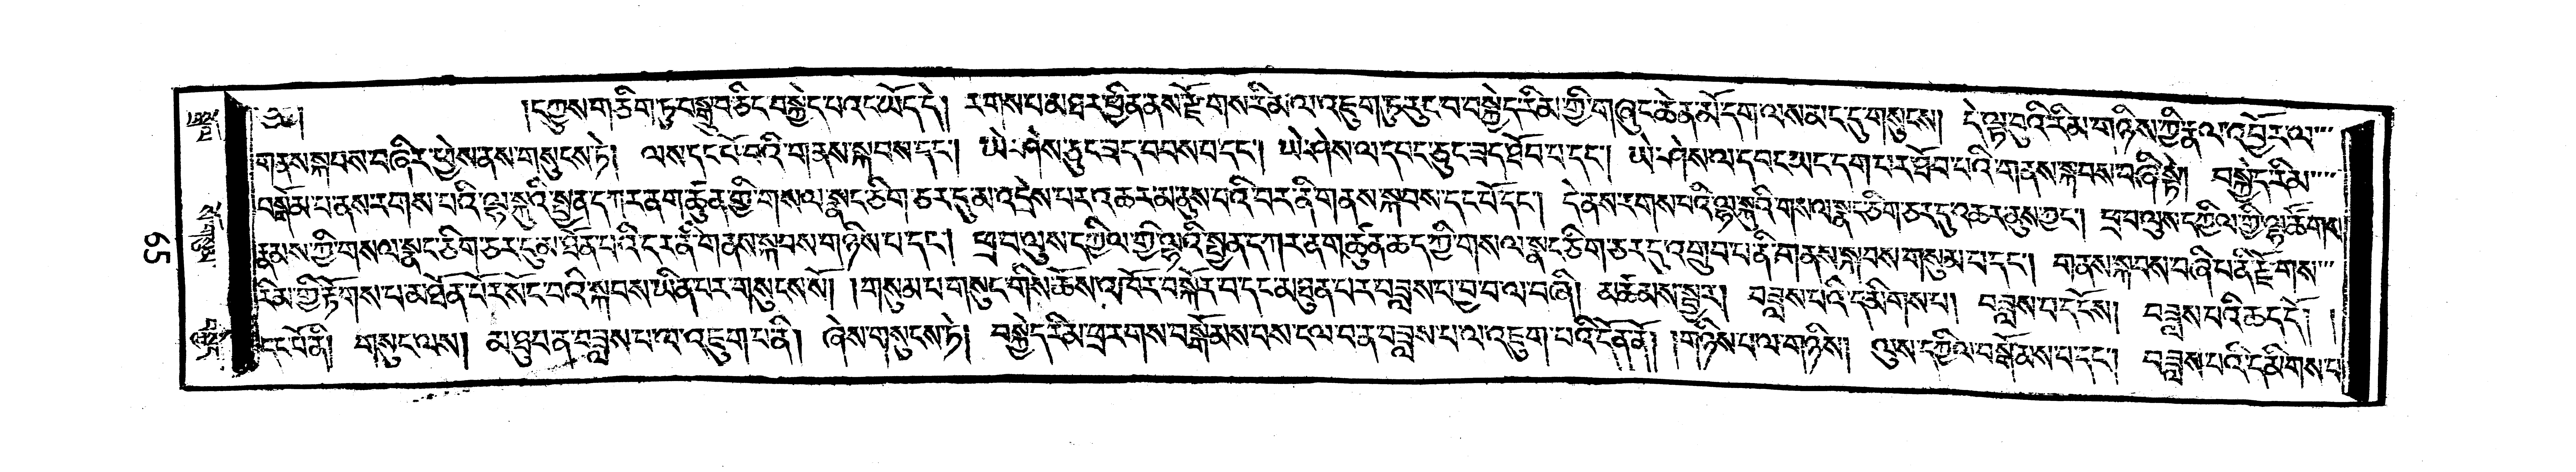༄༅། །དཀྱུས་གཅིག་ཏུ་བསྒྲུབ་ཅིང་བསྐྱེད་པའང་ཡོད་དེ། རགས་པ་མཐར་ཕྱིན་ནས་རྫོགས་རིམ་ལ་འཇུག་ཏུ་རུང་བ་བསྐྱེད་རིམ་གྱི་གཞུང་ཆེན་མོ་དག་ལས་མང་དུ་གསུངས། དེ་ལྟ་བུའི་རིམ་གཉིས་ཀྱི་རྣལ་འབྱོར་ལ་
གནས་སྐབས་བཞིར་ཕྱེས་ནས་གསུངས་ཏེ། ལས་དང་པོ་པའི་གནས་སྐབས་དང་། ཡེ་ཤེས་ཅུང་ཟད་བབས་པ་དང་། ཡེ་ཤེས་ལ་དབང་ཅུང་ཟད་ཐོབ་པ་དང་། ཡེ་ཤེས་ལ་དབང་ཡང་དག་པར་ཐོབ་པའི་གནས་སྐབས་བཞི་སྟེ། བསྐྱེད་རིམ་
བསྒོམ་པ་ནས་རགས་པའི་ལྷ་སྐུའི་སྤྱན་དཀར་ནག་ཚུན་གྱི་གསལ་སྣང་ཅིག་ཅར་དུ་མ་འདྲེས་པར་འཆར་མ་ནུས་པའི་བར་ནི་གནས་སྐབས་དང་པོ་ནི། དེ་ནས་རགས་པའི་ལྷ་སྐུའི་གསལ་སྣང་ཅིག་ཅར་དུ་འཆར་ནུས་ཀྱང་། ཕྲ་བ་ལུས་དཀྱིལ་གྱི་ལྷ་ཚོགས་
རྣམས་ཀྱི་གསལ་སྣང་ཅིག་ཅར་དུ་མ་ཐོན་པའི་བར་ནི་གནས་སྐབས་གཉིས་པ་དང་། ཕྲ་བ་ལུས་དཀྱིལ་གྱི་ལྷའི་སྤྱན་དཀར་ནག་ཚུན་ཆད་ཀྱི་གསལ་སྣང་ཅིག་ཅར་དུ་འགྲུབ་པ་ནི་གནས་སྐབས་གསུམ་པ་དང་། གནས་སྐབས་བཞི་པ་ནི་རྫོགས་
རིམ་གྱི་རྟོགས་པ་མཐོན་པོར་སོང་བའི་སྐབས་ཡིན་པར་གསུངས་སོ། །གསུམ་པ་གསུང་གིས་ཆོས་འཁོར་བསྐོར་བ་དང་མཐུན་པར་བཟླས་པ་བྱ་བ་ལ་བཞི། མཚམས་སྦྱར། བཟླས་པའི་དམིགས་པ། བཟླས་པ་དངོས། བཟླས་པའི་ཚད་དོ། །
དང་པོ་ནི། གསུང་ལས། མ་ཐུབ་ན་བཟླས་པ་ལ་འཇུག་པ་ནི། ཞེས་གསུངས་ཏེ། བསྐྱེད་རིམ་ཕྲ་རགས་བསྒོམས་པས་ངལ་བ་ན་བཟླས་པ་ལ་འཇུག་པའི་དོན་ནོ། །གཉིས་པ་ལ་གཉིས། ལུས་དཀྱིལ་བསྒོམ་པ་དང་། བཟླས་པའི་དམིགས་པ་